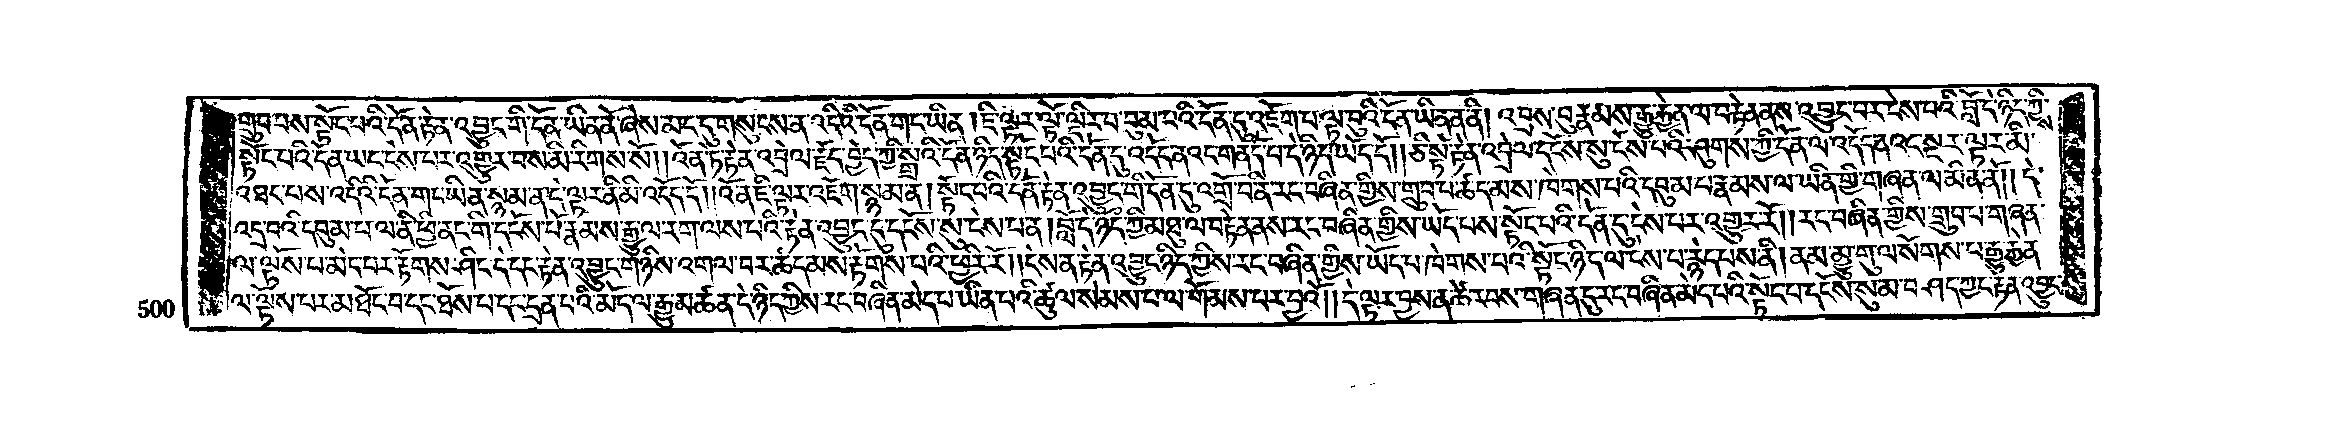གྲུབ་པས་སྟོང་པའི་དོན་རྟེན་འབྱུང་གི་དོན་ཡིན་ནོ་ཞེས་མང་དུ་གསུངས་ན་འདིའི་དོན་གང་ཡིན། ཇི་ལྟར་ལྟོ་ལྡིར་བ་བུམ་པའི་དོན་དུ་འཇོག་པ་ལྟ་བུའི་དོན་ཡིན་ན་ནི། འབྲས་བུ་རྣམས་རྒྱུ་རྐྱེན་ལ་བརྟེན་ནས་འབྱུང་བར་ངེས་པའི་བློ་དེ་ཉིད་ཀྱིས་
སྟོང་པའི་དོན་ཡང་ངེས་པར་འགྱུར་པས་མི་རིགས་སོ། །འོན་ཏེ་རྟེན་འབྲེལ་རྗོད་བྱེད་ཀྱི་སྒྲའི་དོན་ཉིད་སྟོང་པའི་དོན་དུ་འདོད་ནའང་གནོད་པ་དེ་ཉིད་ཡོད་དོ། །ཅི་སྟེ་རྟེན་འབྲེལ་དངོས་སུ་ངེས་པའི་ཤུགས་ཀྱི་དོན་ལ་འདོད་ནའང་སྔར་ལྟར་མི་
འཐད་པས་འདིའི་དོན་གང་ཡིན་སྙམ་ན་དེ་ལྟར་ནི་མི་འདོད་དོ། །འོ་ན་ཇི་ལྟར་འཇོག་སྙམ་ན། སྟོང་པའི་དོན་རྟེན་འབྱུང་གི་དོན་དུ་འགྲོ་བ་ནི་རང་བཞིན་གྱིས་གྲུབ་པ་ཚད་མས་ཁེགས་པའི་དབུ་མ་པ་རྣམས་ལ་ཡིན་གྱི་གཞན་ལ་མིན་ནོ། །དེ་
འདྲ་བའི་དབུ་མ་པ་ལ་ནི་ཕྱི་ནང་གི་དངོས་པོ་རྣམས་རྒྱུ་ལ་རག་ལས་པའི་རྟེན་འབྱུང་དུ་དངོས་སུ་ངེས་པ་ན། བློ་དེ་ཉིད་ཀྱི་མཐུ་ལ་བརྟེན་ནས་རང་བཞི་ཉི་ཡོད་པས་སྟོན་པ་དོན་དུ་ངེས་པར་འགྱུར་རོ། །དང་བཞིན་གྱིས་གྲུབ་པ་གཞན་
ལ་ལྟོས་པ་མེད་པར་རྟོགས་ཤད་དེ་དང་རྟེན་འབྱུང་གཉིས་འགལ་བར་ཚད་མས་རྟོགས་པའི་ཕྱིར་རོ། །དེས་ན་རྟེན་འབྱུང་ཉིད་ཀྱིས་རང་བཞིན་གྱིས་ཡོད་པ་ཁེགས་པའི་སྟོང་ཉིད་ལ་ངེས་རྙེད་པས་ནི། ནམ་མྱུ་གུ་ལ་སོགས་པ་རྒྱུ་རྐྱེན་
ལ་ལྟོས་པར་མཐོང་བ་དང་ཐོས་པ་དང་དྲན་པའི་མོད་ལ་རྒྱུ་མཚན་དེ་ཉིད་ཀྱིས་རང་བཞིན་མེད་པ་ཡིན་པའི་ཚུལ་སེམས་པ་ལ་གོམས་པར་བྱའོ། །དེ་ལྟར་བྱས་ན་ཚེ་རབས་གཞན་དུ་རང་བཞིན་མེད་པའི་སྟོང་པ་དངོས་སུ་མ་བཤད་ཀྱང་རྟེན་འབྱུང་